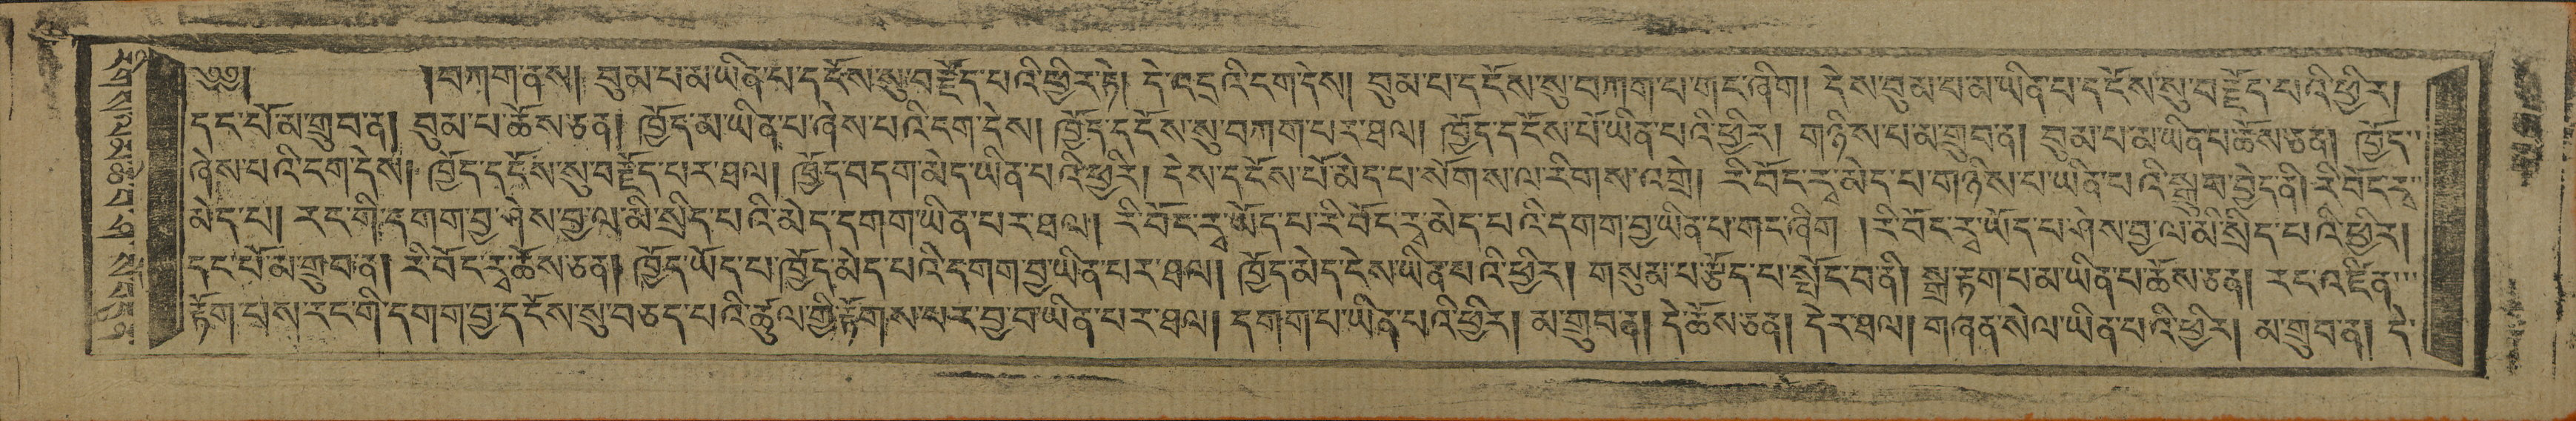༄༅། །བཀག་ནས། བུམ་པ་མ་ཡིན་པ་དངོས་སུ་བརྗོད་པའི་ཕྱིར་ཏེ། དེ་འདྲའི་ངག་དེས། བུམ་པ་དངོས་སུ་བཀག་པ་གང་ཞིག །དེས་བུམ་པ་མ་ཡིན་པ་དངོས་སུ་བརྗོད་པའི་ཕྱིར།
དང་པོ་མ་གྲུབ་ན། བུམ་པ་ཆོས་ཅན། ཁྱོད་མ་ཡིན་པ་ཞེས་པའི་ངག་དེས། ཁྱོད་དངོས་སུ་བཀག་པར་ཐལ། ཁྱོད་དངོས་པོ་ཡིན་པའི་ཕྱིར། གཉིས་པ་མ་གྲུབ་ན། བུམ་པ་མ་ཡིན་པ་ཆོས་ཅན། ཁྱོད་
ཞེས་པའི་ངག་དེས། ཁྱོད་དངོས་སུ་བརྗོད་པར་ཐལ། ཁྱོད་བདག་མེད་ཡིན་པའི་ཕྱིར། དེས་དངོས་པོ་མེད་པ་སོགས་ལ་རིགས་འགྲེ། རི་བོང་རྭ་མེད་པ་གཉིས་པ་ཡིན་པའི་སྒྲུབ་བྱེད་ནི། རི་བོང་རྭ་
མེད་པ། རང་གི་དགག་བྱ་ཤེས་བྱ་ལ་མི་སྲིད་པའི་མེད་དགག་ཡིན་པར་ཐལ། རི་བོང་རྭ་ཡོད་པ་རི་བོང་རྭ་མེད་པའི་དགག་བྱ་ཡིན་པ་གང་ཞིག །རི་བོང་རྭ་ཡོད་པ་ཤེས་བྱ་ལ་མི་སྲིད་པའི་ཕྱིར།
དང་པོ་མ་གྲུབ་ན། རི་བོང་རྭ་ཆོས་ཅན། ཁྱོད་ཡོད་པ་ཁྱོད་མེད་པའི་དགག་བྱ་ཡིན་པར་ཐལ། ཁྱོད་མེད་ངེས་ཡིན་པའི་ཕྱིར། གསུམ་པ་རྩོད་པ་སྤོང་བ་ནི། སྒྲ་རྟག་པ་མ་ཡིན་པ་ཆོས་ཅན། རང་འཛིན་
རྟོག་པས་རང་གི་དགག་བྱ་དངོས་སུ་བཅད་པའི་ཚུལ་གྱི་རྟོགས་པར་བྱ་བ་ཡིན་པར་ཐལ། དགག་པ་ཡིན་པའི་ཕྱིར། མ་གྲུབ་ན། དེ་ཆོས་ཅན། དེར་ཐལ། གཞན་སེལ་ཡིན་པའི་ཕྱིར། མ་གྲུབ་ན། དེ་